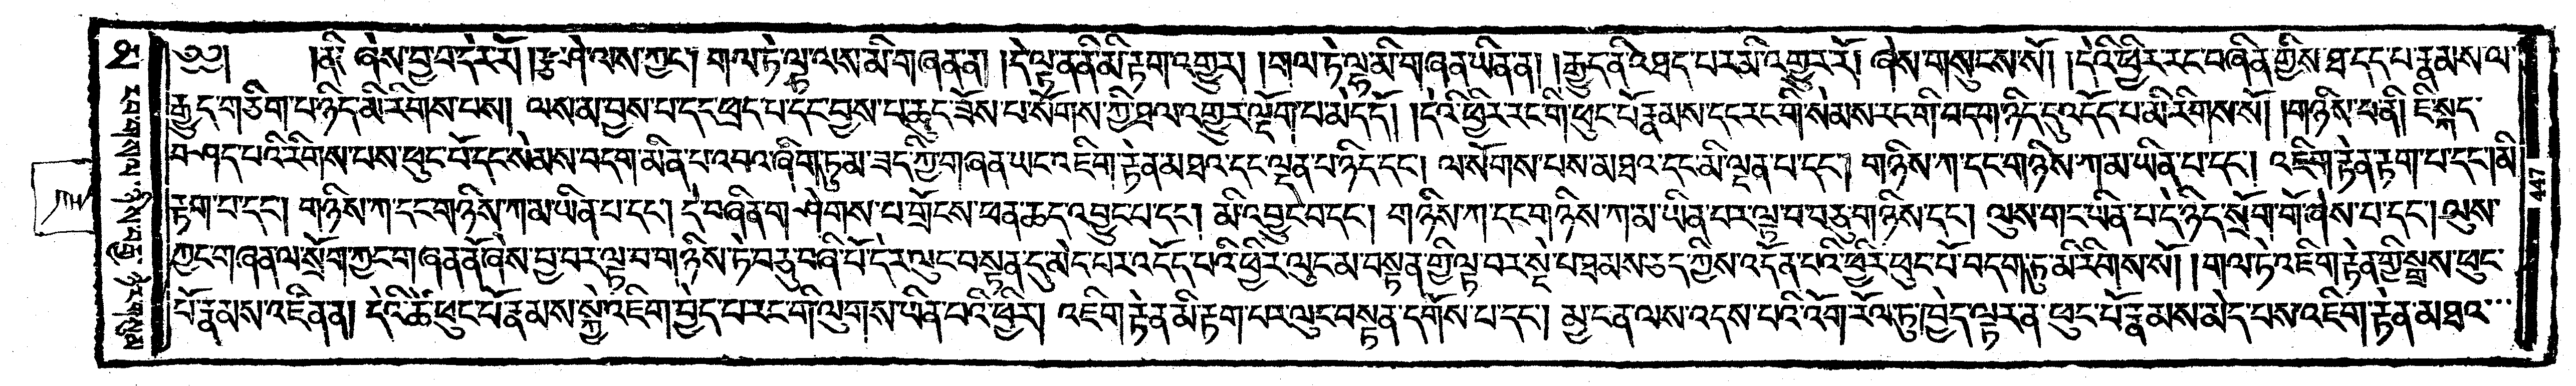༄༅། །ནི༑ ཞེས་བྱ་བ་དེར་རོ། །རྩ་ཤེ་ལས་ཀྱང་། གལ་ཏེ་ལྷ་ལས་མི་གཞན་ན། །དེ་ལྟ་ན་ནི་མི་རྟག་འགྱུར། །གལ་ཏེ་ལྷ་མི་གཞན་ཡིན་ན། །རྒྱུད་ནི་འཐད་པར་མི་འགྱུར་རོ། ཞེས་གསུངས་སོ། །དེའི་ཕྱིར་རང་བཞིན་གྱིས་ཐ་དད་པ་རྣམས་ལ་
རྒྱུད་གཅིག་པ་ཉིད་མི་རིགས་པས། ལས་མ་བྱས་པ་དང་ཕྲད་པ་དང་བྱས་པ་ཆུད་ཟོས་པ་སོགས་ཀྱི་ཐལ་འགྱུར་ལྡོག་པ་མེད་དོ། །དེའི་ཕྱིར་རང་གི་ཕུང་པོ་རྣམས་དང་རང་གི་སེམས་རང་གི་བདག་ཉིད་དུ་འདོད་པ་མི་རིགས་སོ། །གཉིས་པ་ནི། ཇི་སྐད་
བཤད་པའི་རིགས་པས་ཕུང་པོ་དང་སེམས་བདག་མིན་པ་འབའ་ཞིག་ཏུ་མ་ཟད་ཀྱི་གཞན་ཡང་འཇིག་རྟེན་མཐའ་དང་ལྡན་པ་ཉིད་དང་། ལ་སོགས་པས་མཐའ་དང་མི་ལྡན་པ་དང་། གཉིས་ཀ་དང་གཉིས་ཀ་མ་ཡིན་པ་དང་། འཇིག་རྟེན་རྟག་པ་དང་། མི་
རྟག་པ་དང་། གཉིས་ཀ་དང་གཉིས་ཀ་མ་ཡིན་པ་དང་། དེ་བཞིན་གཤེགས་པ་གྲོངས་ཕན་ཆད་འབྱུང་བ་དང་། མི་འབྱུང་བ་དང་། གཉིས་ཀ་དང་གཉིས་ཀ་མ་ཡིན་པར་ལྟ་བ་བཅུ་གཉིས་དང་། ལུས་གང་ཡིན་པ་དེ་ཉིད་སྲོག་གོ་ཞེས་པ་དང་། ལུས་
ཀྱང་གཞན་ལ་སྲོག་ཀྱང་གཞན་ནོ་ཞེས་བྱ་བར་ལྟ་བ་གཉིས་ཏེ་བཅུ་བཞི་པོ་དེར་ལུང་བསྟན་དུ་མེད་པར་འདོད་པའི་ཕྱིར་ལུང་མ་བསྟན་གྱི་ལྟ་བར་སྡེ་པ་ཐམས་ཅད་ཀྱིས་འདོན་པའི་ཕྱིར་ཕུང་པོ་བདག་ཏུ་མི་རིགས་སོ། །གལ་ཏེ་འཇིག་རྟེན་གྱི་སྒྲས་ཕུང་
པོ་རྣམས་འཛིན་ན། དེའི་ཚེ་ཕུང་པོ་རྣམས་སྐྱེ་འཇིག་བྱེད་པ་རང་གི་ལུགས་ཡིན་པའི་ཕྱིར། འཇིག་རྟེན་མི་རྟག་པར་ལུང་བསྟན་དགོས་པ་དང་། མྱ་ངན་ལས་འདས་པའི་འོག་རོལ་ཏུ་ཁྱེད་ལྟར་ན་ཕུང་པོ་རྣམས་མེད་པས་འཇིག་རྟེན་མཐའ་